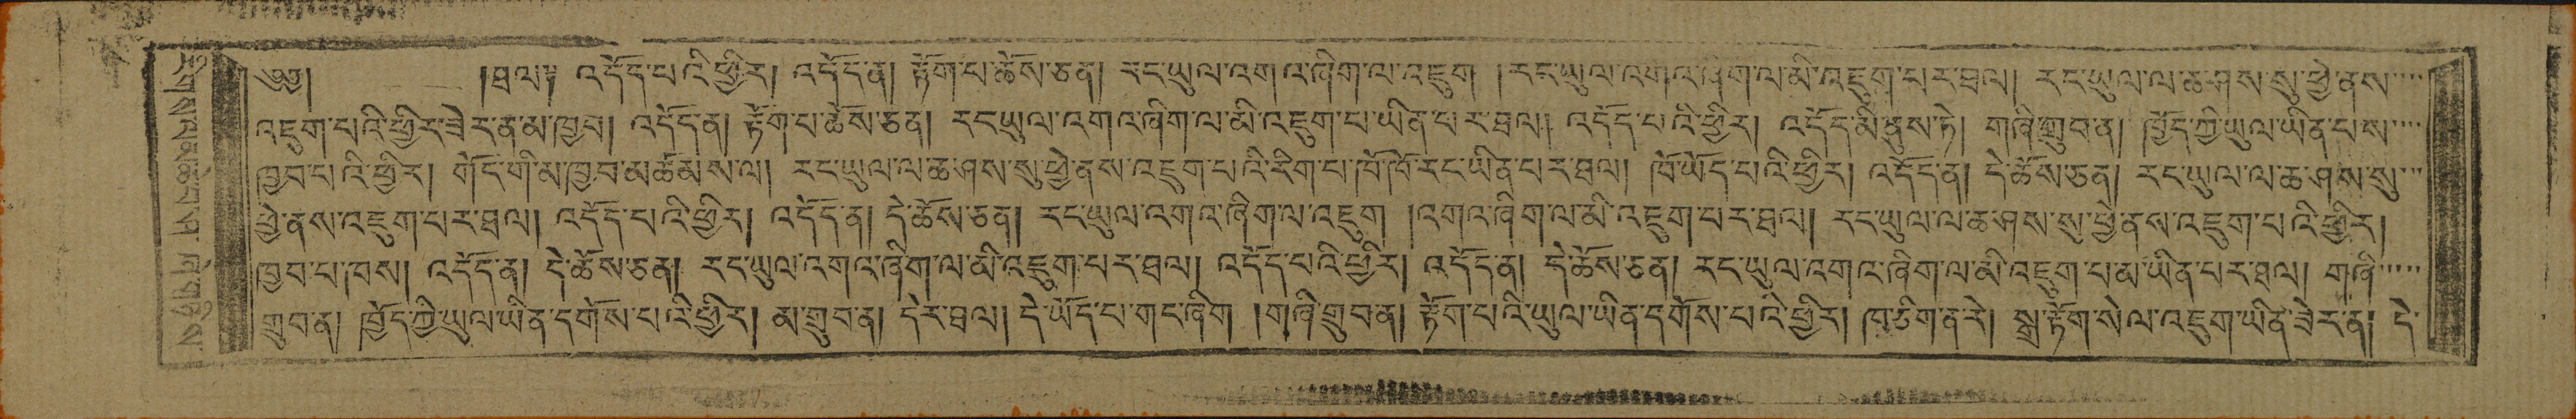༄༅། །ཐལ༑ འདོད་པའི་ཕྱིར། འདོད་ན། རྟོག་པ་ཆོས་ཅན། རང་ཡུལ་འགའ་ཞིག་ལ་འཇུག །རང་ཡུལ་འགའ་ཞིག་ལ་མི་འཇུག་པར་ཐལ། རང་ཡུལ་ལ་ཆ་ཤས་སུ་ཕྱེ་ནས་
འཇུག་པའི་ཕྱིར་ཟེར་ན་མ་ཁྱབ། འདོད་ན། རྟོག་པ་ཆོས་ཅན། རང་ཡུལ་འགའ་ཞིག་ལ་མི་འཇུག་པ་ཡིན་པར་ཐལ། འདོད་པའི་ཕྱིར། འདོད་མི་ནུས་ཏེ། གཞི་གྲུབ་ན། ཁྱོད་ཀྱི་ཡུལ་ཡིན་པས་
ཁྱབ་པའི་ཕྱིར། གོང་གི་མ་ཁྱབ་མཚམས་ལ། རང་ཡུལ་ལ་ཆ་ཤས་སུ་ཕྱེ་ནས་འཇུག་པའི་རིག་པ་ཁོ་ཁོ་རང་ཡིན་པར་ཐལ། ཁོ་ཡོད་པའི་ཕྱིར། འདོད་ན། དེ་ཆོས་ཅན། རང་ཡུལ་ལ་ཆ་ཤས་སུ་
ཕྱེ་ནས་འཇུག་པར་ཐལ། འདོད་པའི་ཕྱིར། འདོད་ན། དེ་ཆོས་ཅན། རང་ཡུལ་འགའ་ཞིག་ལ་འཇུག །འགའ་ཞིག་ལ་མི་འཇུག་པར་ཐལ། རང་ཡུལ་ལ་ཆ་ཤས་སུ་ཕྱེ་ནས་འཇུག་པའི་ཕྱིར།
ཁྱབ་པ་ཁས། འདོད་ན། དེ་ཆོས་ཅན། རང་ཡུལ་འགའ་ཞིག་ལ་མི་འཇུག་པར་ཐལ། འདོད་པའི་ཕྱིར། འདོད་ན། དེ་ཆོས་ཅན། རང་ཡུལ་འགའ་ཞིག་ལ་མི་འཇུག་པ་མ་ཡིན་པར་ཐལ། གཞི་
གྲུབ་ན། ཁྱོད་ཀྱི་ཡུལ་ཡིན་དགོས་པའི་ཕྱིར། མ་གྲུབ་ན། དེར་ཐལ། དེ་ཡོད་པ་གང་ཞིག །གཞི་གྲུབ་ན། རྟོག་པའི་ཡུལ་ཡིན་དགོས་པའི་ཕྱིར། ཁ་ཅིག་ན་རེ། སྒྲ་རྟོག་སེལ་འཇུག་ཡིན་ཟེར་ན། དེ་